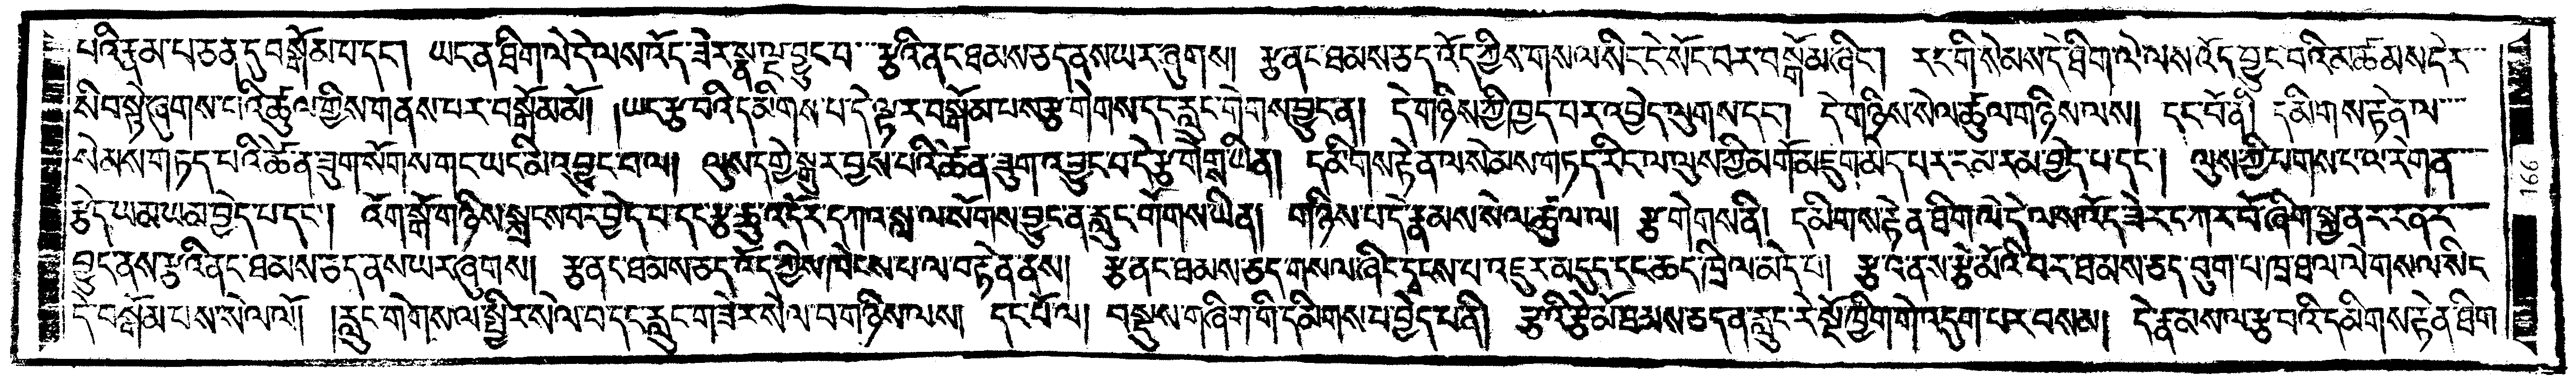པའི་རྣམ་པ་ཅན་དུ་བསྒོམ་པ་དང་། ཡང་ན་ཐིག་ལེ་དེ་ལས་འོད་ཟེར་སྣ་ལྔ་བྱུང་བ་རྩའི་ནང་ཐམས་ཅད་ནས་ཡར་ཞུགས། རྩ་ནང་ཐམས་ཅད་འོད་ཀྱིས་གསལ་སིང་ངེ་སོང་བར་བསྒོམ་ཞིང་། རང་གི་སེམས་དེ་ཐིག་ལེ་ལས་འོད་བྱུང་བའི་མཚམས་དེར་
སིབ་སྟེ་ཞུགས་པའི་ཚུལ་གྱིས་གནས་པར་བསྒོམ་མོ། །ཡང་རྩ་བའི་དམིགས་པ་དེ་ལྟར་བསྒོམ་པས་རྩ་གེགས་དང་རླུང་གེགས་བྱུང་ན། དེ་གཉིས་ཀྱི་ཁྱད་པར་འབྱེད་ལུགས་དང་། དེ་གཉིས་སེལ་ཚུལ་གཉིས་ལས། དང་པོ་ནི། དམིགས་རྟེན་ལ་
སེམས་གཏད་པའི་ཚེ་ན་ཟུག་སོགས་གང་ཡང་མི་འབྱུང་པ་ལ། ལུས་དགྱེ་སྒུར་བྱས་པའི་ཚེ་ན་ཟུག་འབྱུང་བ་དེ་རྩ་གེགས་ཡིན། དམིགས་རྟེན་ལ་སེམས་གཏད་རིང་ལ་ལུས་ཀྱི་མགོ་མཇུག་མེད་པར་རམ་རམ་བྱེད་པ་དང་། ལུས་ཀྱི་པགས་པ་ལ་རེག་ན་
རྩེད་ཡམ་ཡམ་བྱེད་པ་དང་། འོག་སྒོ་གཉིས་སྐྲངས་བར་བྱེད་པ་དང་རྩ་ཆུ་འདོར་དཀའ་སླ་ལ་སོགས་བྱུང་ན་རླུང་གོགས་ཡིན། གཉིས་པ་དེ་རྣམས་སེལ་ཚུལ་ལ། རྩ་གེགས་ནི། དམིགས་རྟེན་ཐིག་ལེ་དེ་ལས་འོད་ཟེར་དཀར་པོ་ཞིག་སྐྱ་ན་རར་ནར་
བྱུང་ནས་རྩའི་ནང་ཐམས་ཅད་ནས་ཡར་ཞུགས། རྩ་ནང་ཐམས་ཅད་འོད་ཀྱིས་ཁེངས་པ་ལ་བརྟེན་ནས། རྩ་ནང་ཐམས་ཅད་གསལ་ཞིང་དྭངས་པ་འཇུར་མདུད་དང་ཆད་ཁྲིལ་མེད་པ། རྩའ་ནས་རྩེ་མོའི་བར་ཐམས་ཅད་བུག་པ་ཁྲ་ཐལ་ལེ་གསལ་སིང་
དེ་བསྒོམ་པས་སེལ་ལོ། །རླུང་གེ་གསལ་སྤྱིར་སེལ་བ་དང་རླུང་གཟེར་སེལ་བ་གཉིས་ལས། དང་པོ་ལ། བསྡུས་གཞིག་གི་དམིགས་པ་བྱེད་པ་ནི། རྩའི་རྩེ་མོ་ཐམས་ཅད་ན་རླུང་རེ་སྔོ་ཁྱིག་གེ་འདུག་པར་བསམ། དེ་རྣམས་ལ་རྩ་བའི་དམིགས་རྟེན་ཐིག་